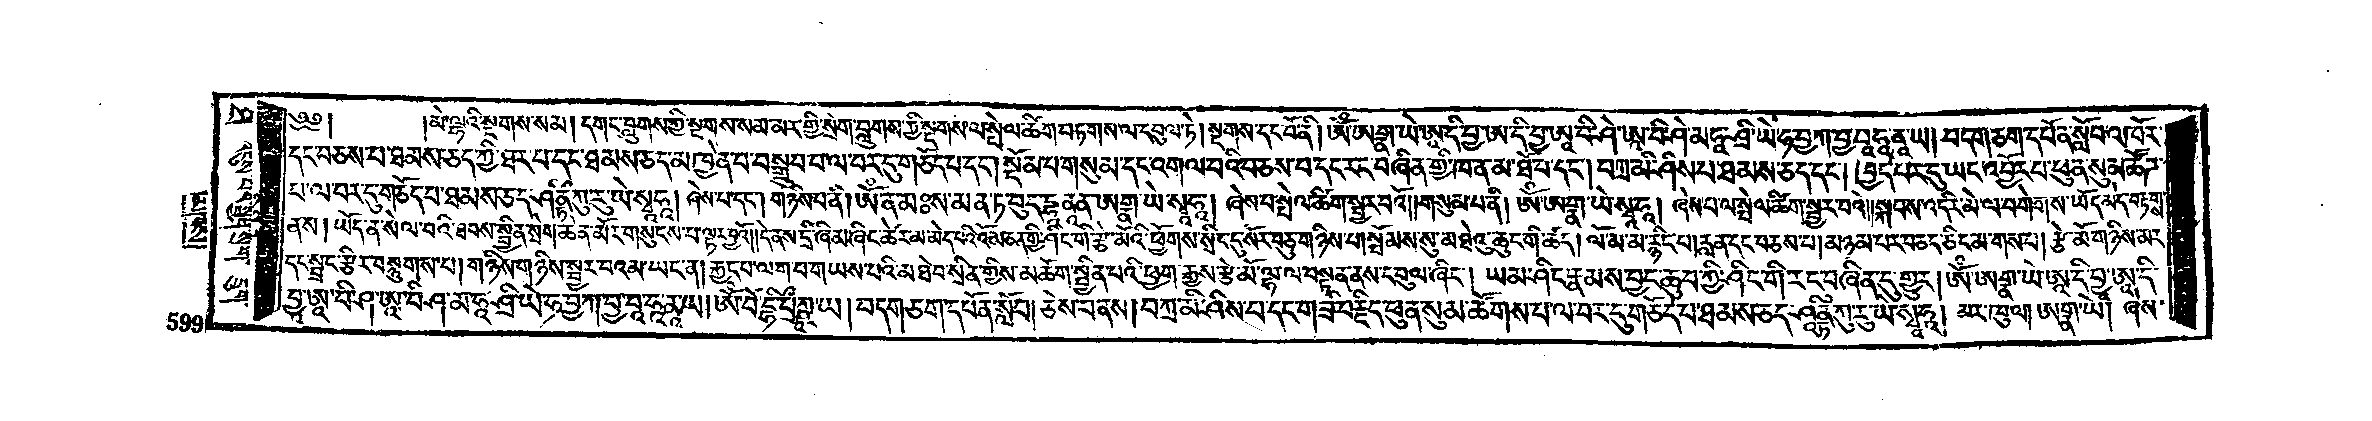༄༅། །མེ་ལྷའི་སྔགས་སམ། དགང་བླུགས་ཀྱི་སྔགས་སམ་མར་གྱི་སྲེག་བླུགས་ཀྱི་སྔགས་ལ་སྤེལ་ཚིག་བཏགས་ལ་དབུལ་ཏེ། སྔགས་དང་པོ་ནི།ཨོཾ་ཨགན་ཡེ་ཨཱ་དི་བྱ་ཨ་དི་བྱ་ཨཱ་བི་ཤེ་ཨཱ་བི་ཤེ་མཧཱ་ཤྲི་ཡེ་ཧ་བྱྐ་བྱ་བཱ་ཧཱ་ནཱ་ཡ། བདག་ཅག་དཔོན་སློབ་འཁོར་
དང་བཅས་པ་ཐམས་ཅད་ཀྱི་ཐར་པ་དང་ཐམས་ཅད་མཁྱེན་པ་བསྒྲུབ་པ་ལ་བར་དུ་གཅོད་པ་དང་། སྡོམ་པ་གསུམ་དང་འགལ་བའི་བཅས་པ་དང་རང་བཞིན་གྱི་ཁ་ན་མ་ཐོ་བ་དང་། བཀྲ་མི་ཤིས་པ་ཐམས་ཅད་དང་། ཁྱད་པར་དུ་ཡང་འབྱོར་བ་ཕུན་སུམ་ཚོགས་
པ་ལ་བར་དུ་གཅོད་པ་ཐམས་ཅད་ཤིན་ཏཾ་ཀུ་རུ་ཡེ་སVའ་ཧཱ། ཞེས་པ་དང་། གཉིས་པ་ནི། ཨོཾ་ན་མཿ ས་མན་ཏ་བུད་དྷཱ་ནཱན་ཨགན་ཡེ་སVའ་ཧཱ། ཞེས་པ་སྤེལ་ཚིག་སྦྱར་བའོ། །གསུམ་པ་ནི། ཨོཾ་ཨགན་ཡེ་སVའ་ཧཱ། ཞེས་པ་ལ་སྤེལ་ཚིག་སྦྱར་བའི། །སྐབས་འདིར་མེ་ལ་བགེགས་ཡོད་མེད་བརྟགས་
ནས། ཡོད་ན་སེལ་བའི་ཐབས་སྦྱིན་སྲེག་ཆེན་མོར་གསུངས་པ་ལྟར་བྱའོ། །དེ་ནས་དྲི་ཞིམ་ཞིང་ཚེར་མ་མེད་པའི་འོམ་ཅན་གྱི་ཤིང་གི་རྩེ་མོའི་ཕྱོགས་སྲིད་དུ་སོར་བཅུ་གཉིས་པ། སྦོམས་སུ་མཐེའུ་ཆུང་གི་ཚད། ལོ་མ་མ་རྙིང་པ། རླན་དང་བཅས་པ། མཉམ་པར་བཅད་ཅིང་མ་གསབ། རྩེ་མོ་གཉིས་མར་
དང་སྦྲང་རྩིར་བསྙུགས་པ། གཉིས་གཉིས་སྦྱར་བའམ་ཡང་ན། རྐྱང་པ་ལག་པ་གཡས་པའི་མཐེབ་སྲིན་གྱིས་མཆོག་སྦྱིན་པའི་ཕྱག་རྒྱས་རྩེ་མོ་ལྷ་ལ་བསྟན་ནས་དུལ་ཞིང་། ཡམ་ཤིང་རྣམས་བྱང་ཆུབ་ཀྱི་ཤིང་གི་རང་བཞིན་དུ་གྱུར། ཨོཾ་ཨགྣ་ཡེ་ཨཱ་དི་བྱཱ་ཨཱ་དི་
བྱཱ་ཨཱ་བི་ཤ་ཨཱ་བི་ཤ་མ་ཧཱ་ཤྲི་ཡེ་ཧ་བྱ་ཀ་བྱ་བཱ་ཧཱ་ནཱ་ཡ། ཨོཾ་བོ་དྷི་པྲྀཀྵཱ་ཡ། བདག་ཅག་དཔོན་སློབ། ཅེས་པ་ནས། བཀྲ་མི་ཤིས་པ་དང་གཟི་བརྗོད་ཕུན་སུམ་ཚོགས་པ་ལ་བར་དུ་གཅོད་པ་ཐམས་ཅད་ཤཱིནྟཾ་ཀུ་རུ་ཡེ་སVའ་ཧཱ། མར་ཁུལ། ཨགྣ་ཡེ། ཞེས་